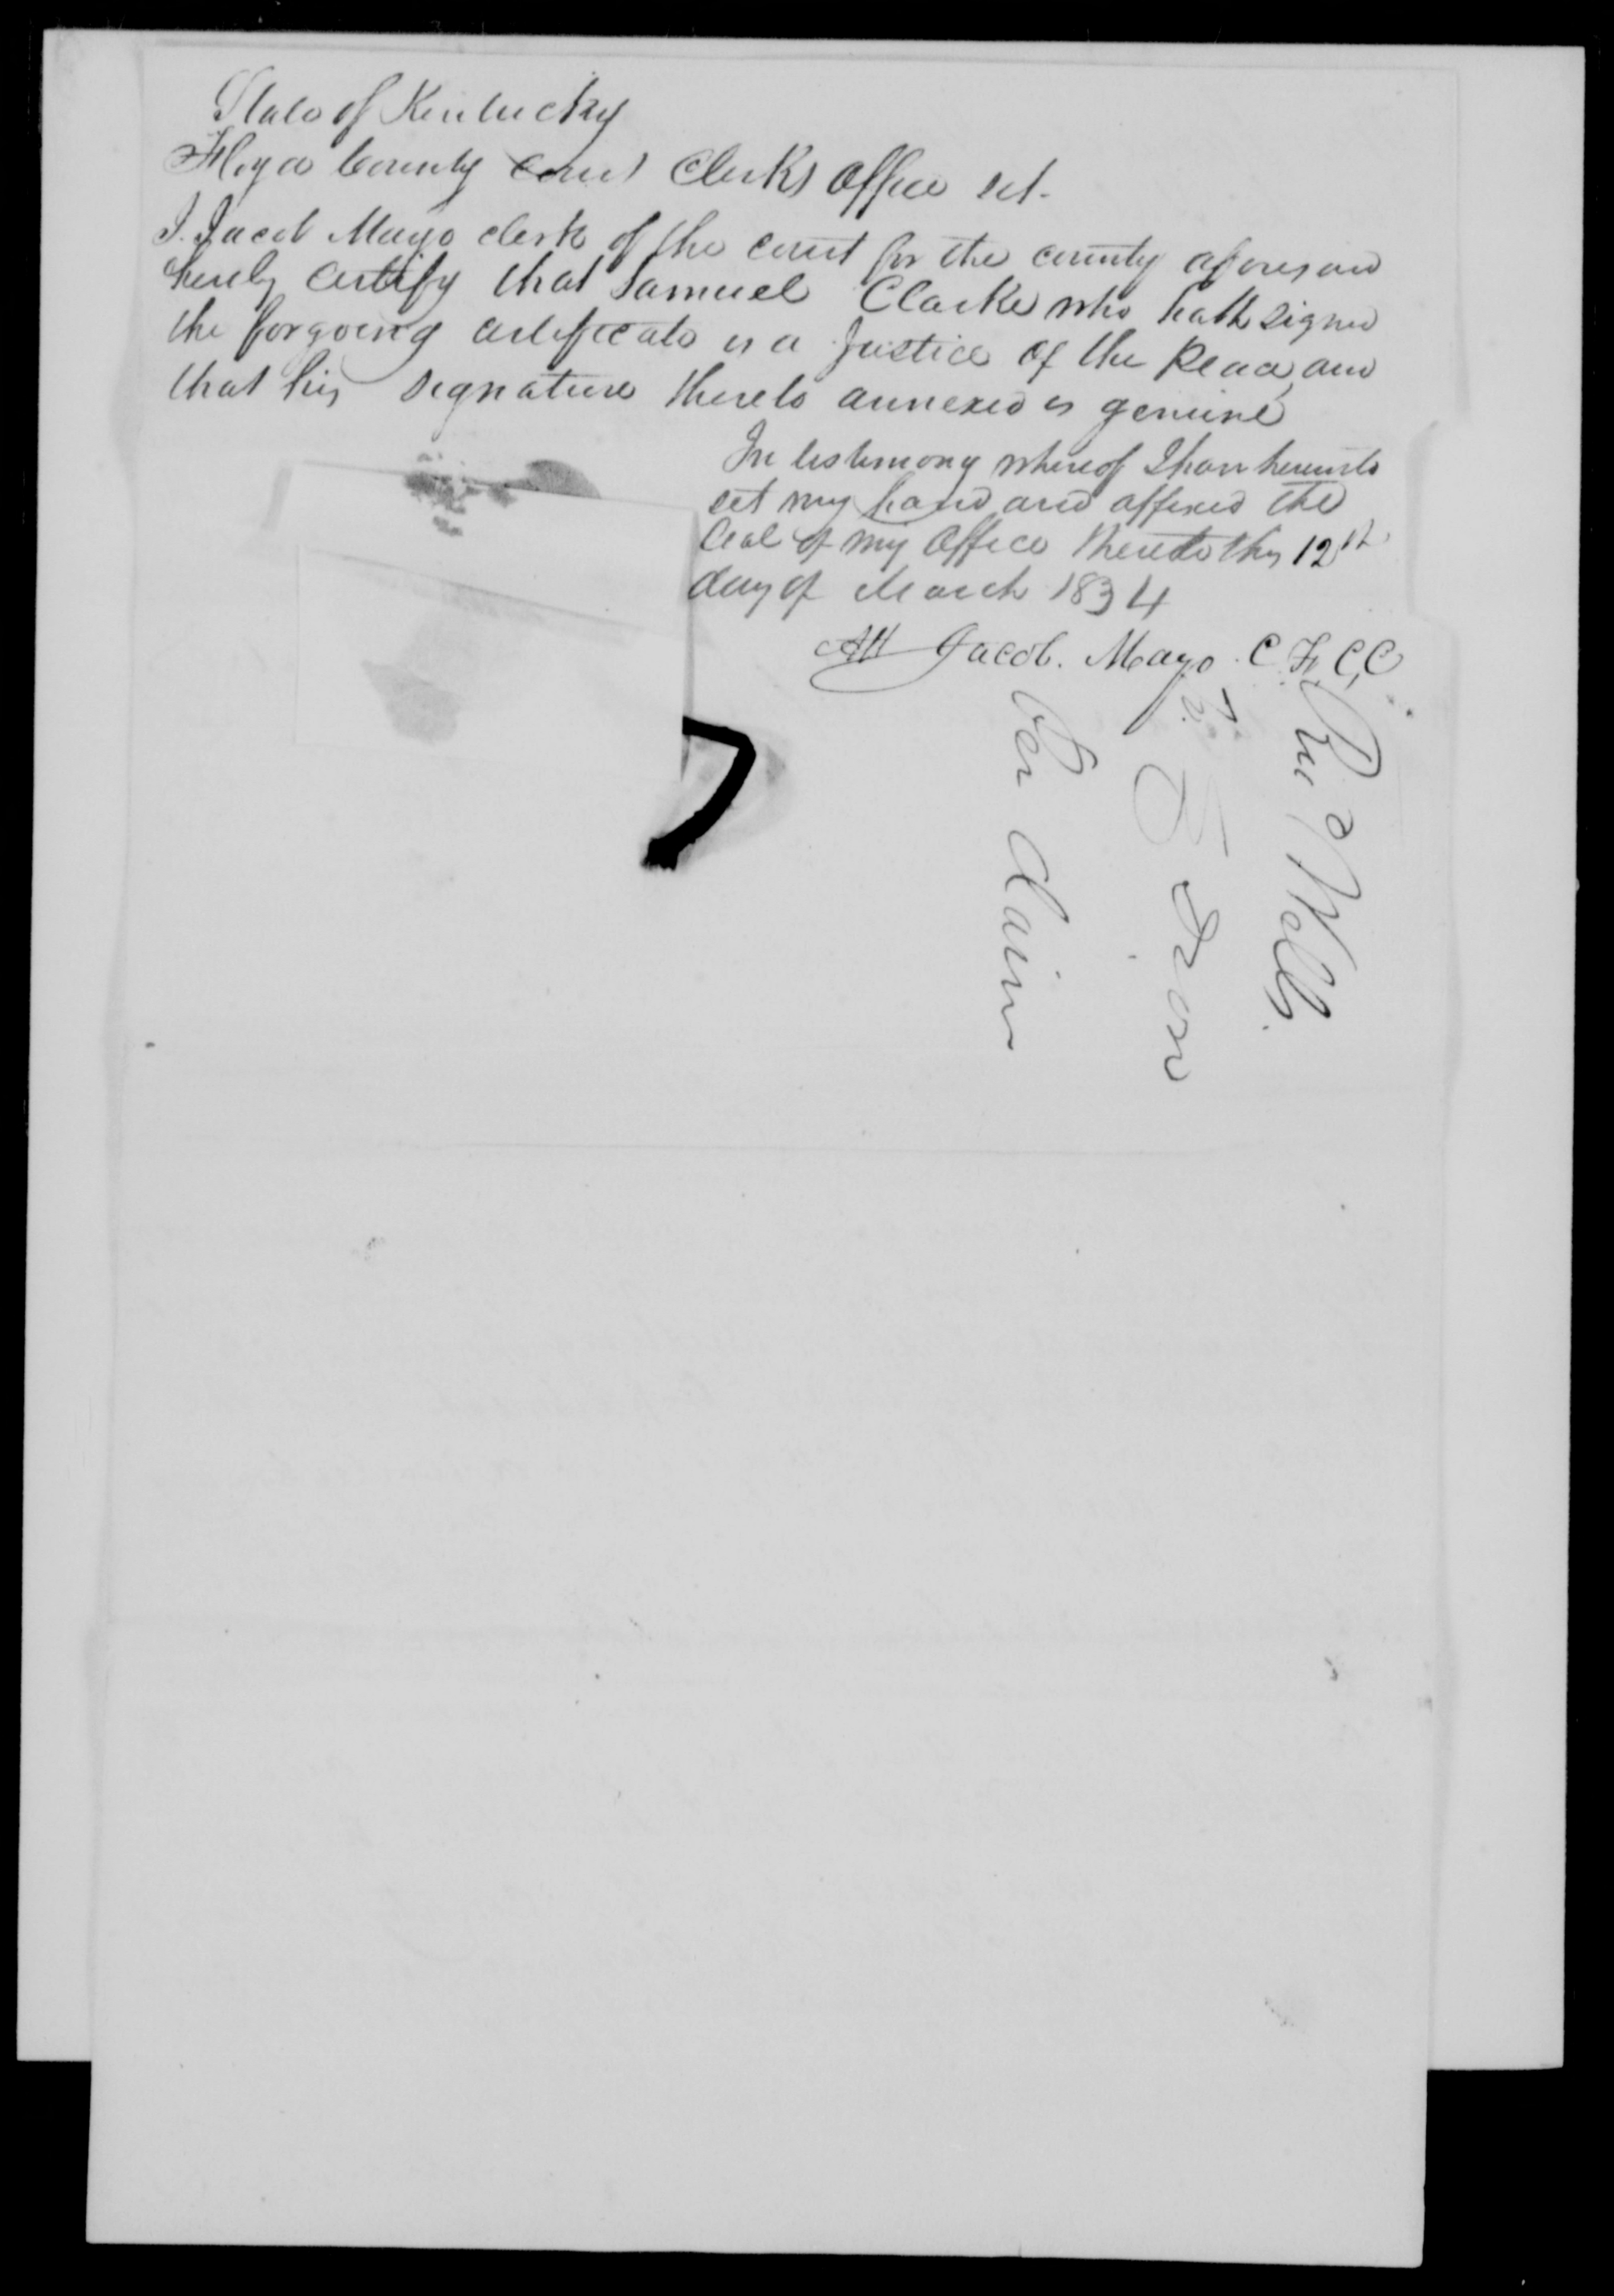State of Kentucky
Floyd County Court Clerks Office set
I Jacob Mayo Clerk of the Court for the County aforesaid
hereby certify that Samuel Clarke who hath signed
the forgoing certificate is a Justice of the peace, and
that his signature thereto annexed is genuine.
In testimony whereof I have hereunto
set my hand and affixed the
seal of my office thereto this 12th
day of March 1834
Att Jacob Mayo C.F.C.C


Ric’d Wells
[W E Dr on]
Pen. claim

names: Ricd Wells, Samuel Clarke, Jacob Mayo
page: 81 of 100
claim: widow's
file: W. 6437, Richard Wells, Ga Va.